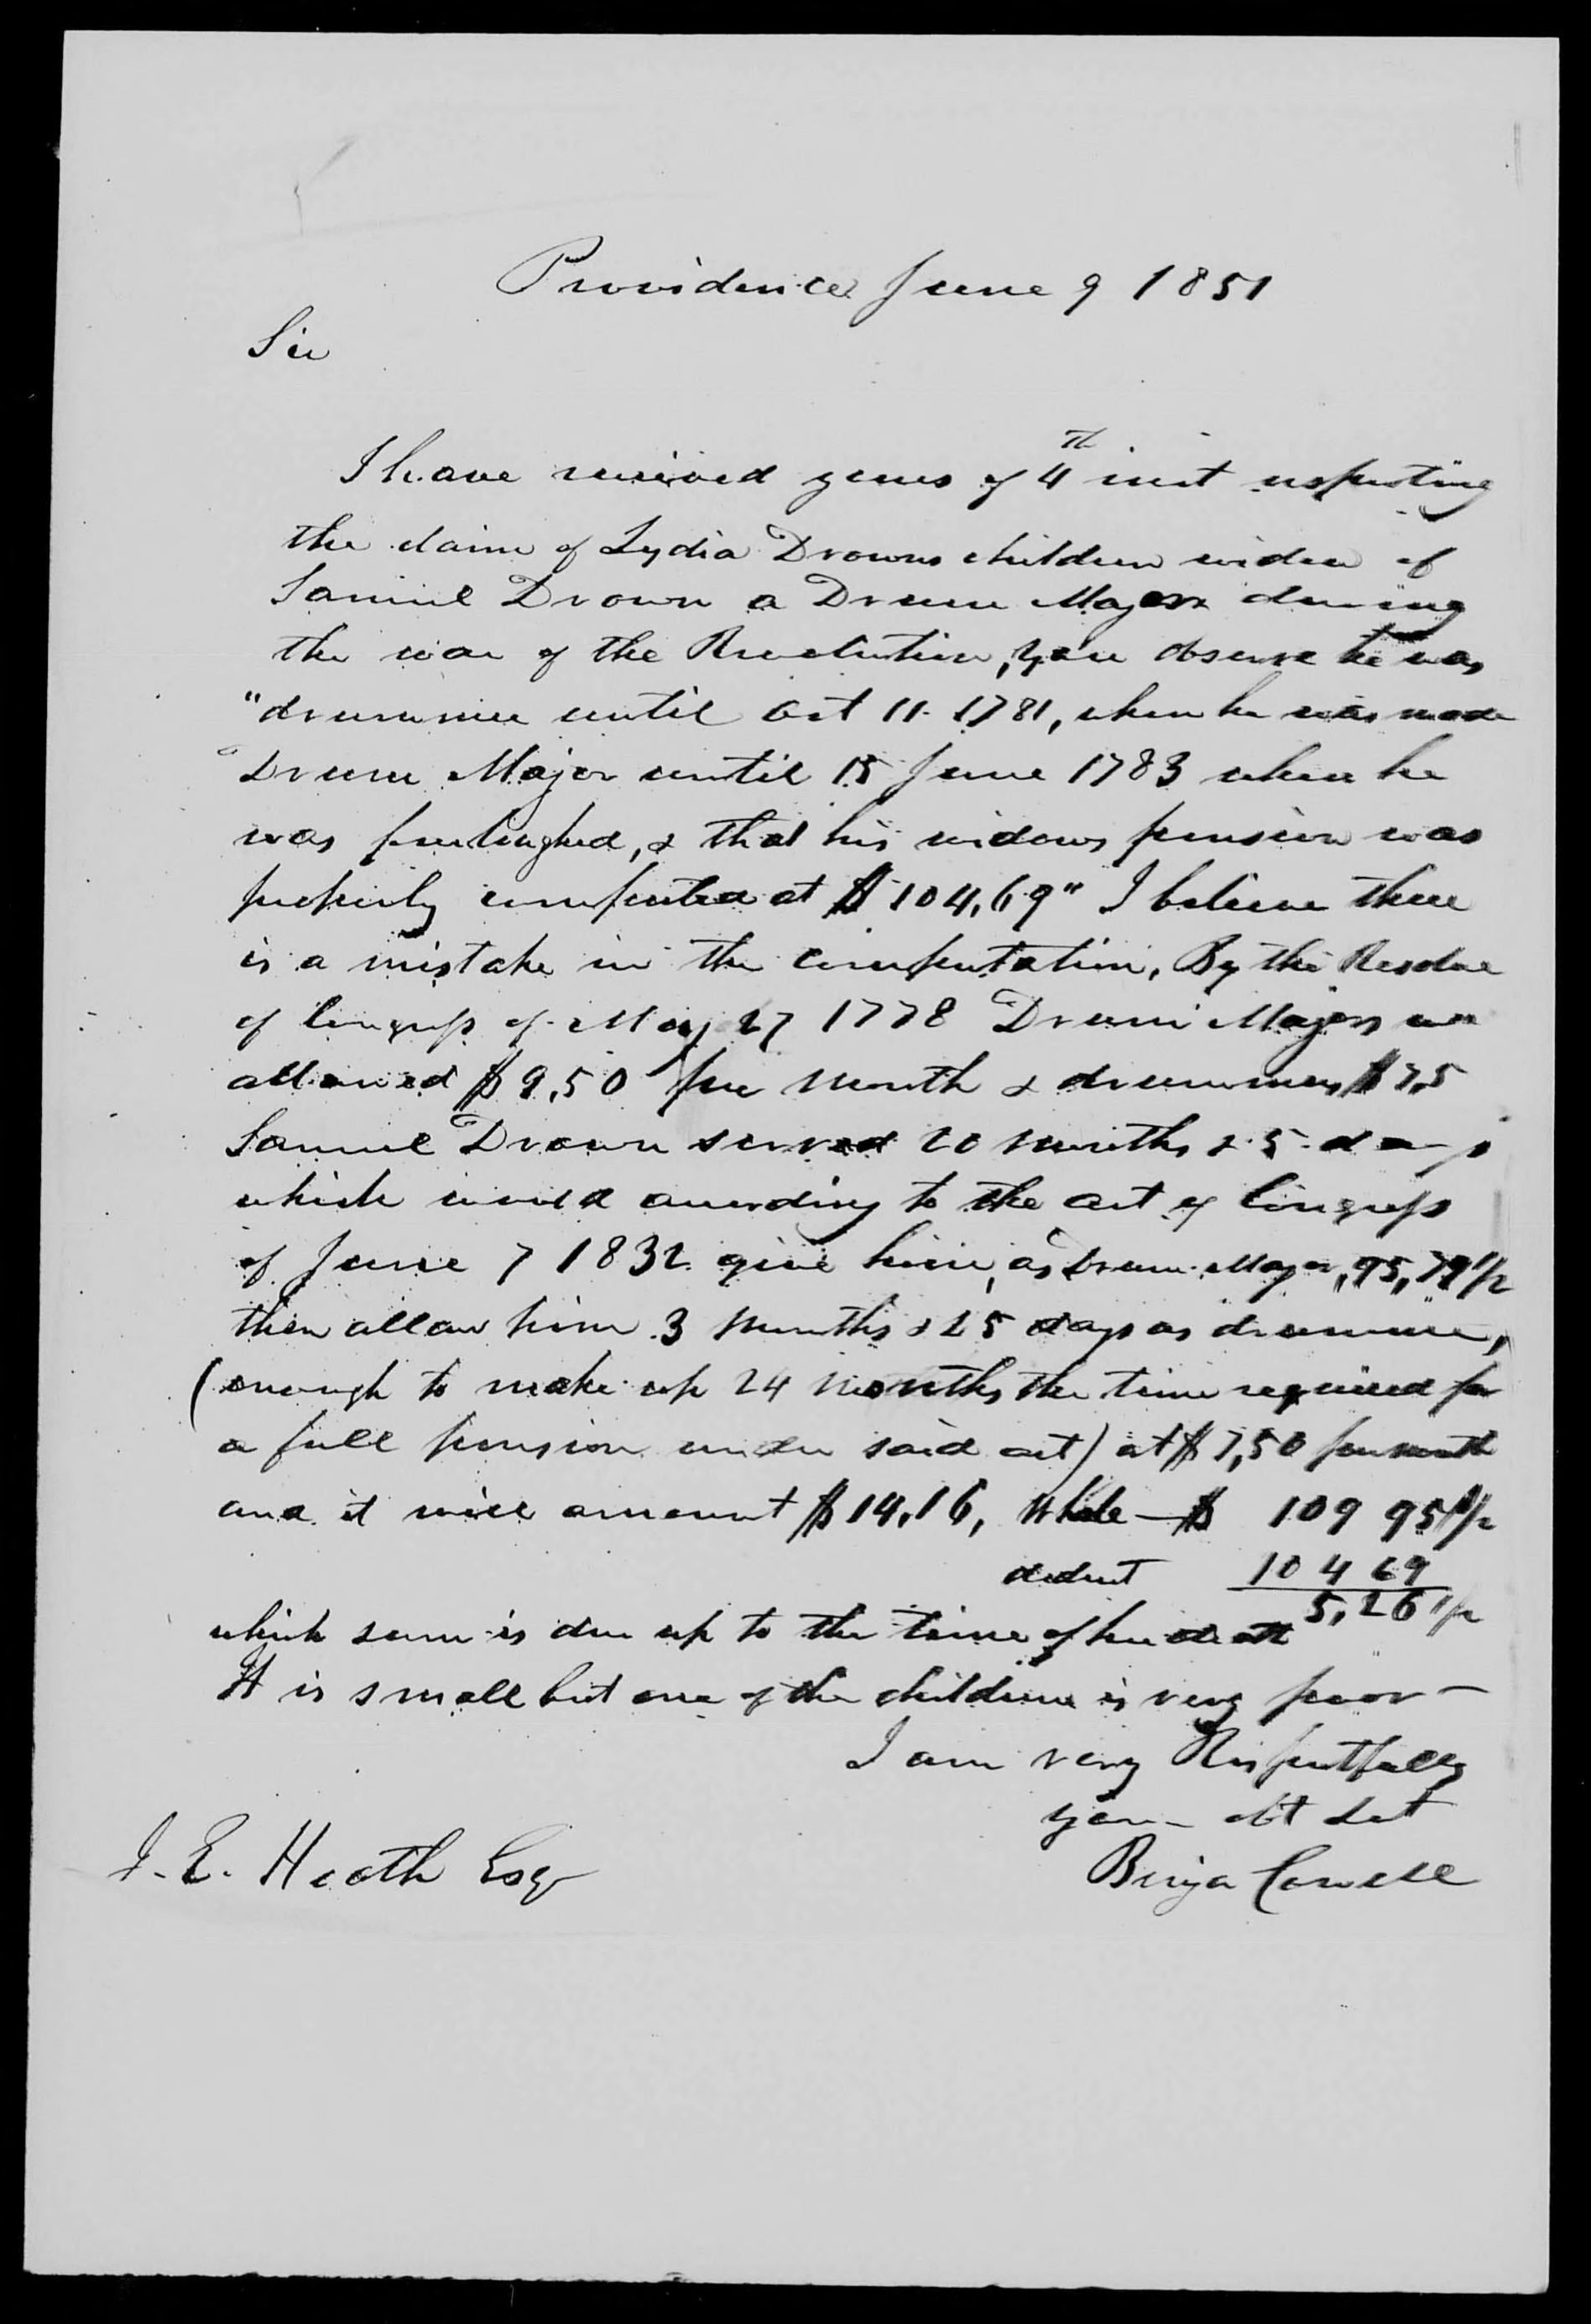Providence June 9 1851

Sir
I have received yours of 4th inst respecting
the claim of Lydia Drowns children widow of
Samuel Drown a Drum Major during the
war of the Revolution, you observe he was
"drummer until Oct 11. 1781, when he was made Drum Major until 15 June 1783 when he
was furloughed, & that his widows pension was
properly computed at $104.69" I believe there
is a mistake in the computation, by the Resolve
of Congress of May 17 1778 Drum Majors
allowed $9.50 per month & drummers $7.5
Samuel Drown served 20 months 25 days
which would according to the act of Congress
of June 7 1832 give him as drum major, 75, 79 yr then allow him 3 months & 15 days as drummer
(enough to make up 24 month,s the time required
for a full pension under said act) at $7,50 per month
and it will amount $14,16, whole $109 95 yr
deduct 104 69 = 5,26 yr
which sum is due up to the time of his death
It is small but one of the children is very poor -
I am very Respetfully your obt svt
Benja Cowell
J. E. Heath Esq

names: J E Heath, Samul Drown, Lydia Drown, Benja Cowell, Samul Drown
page: 27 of 31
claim: widow's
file: W 21004, Samuel Drown, R.I.